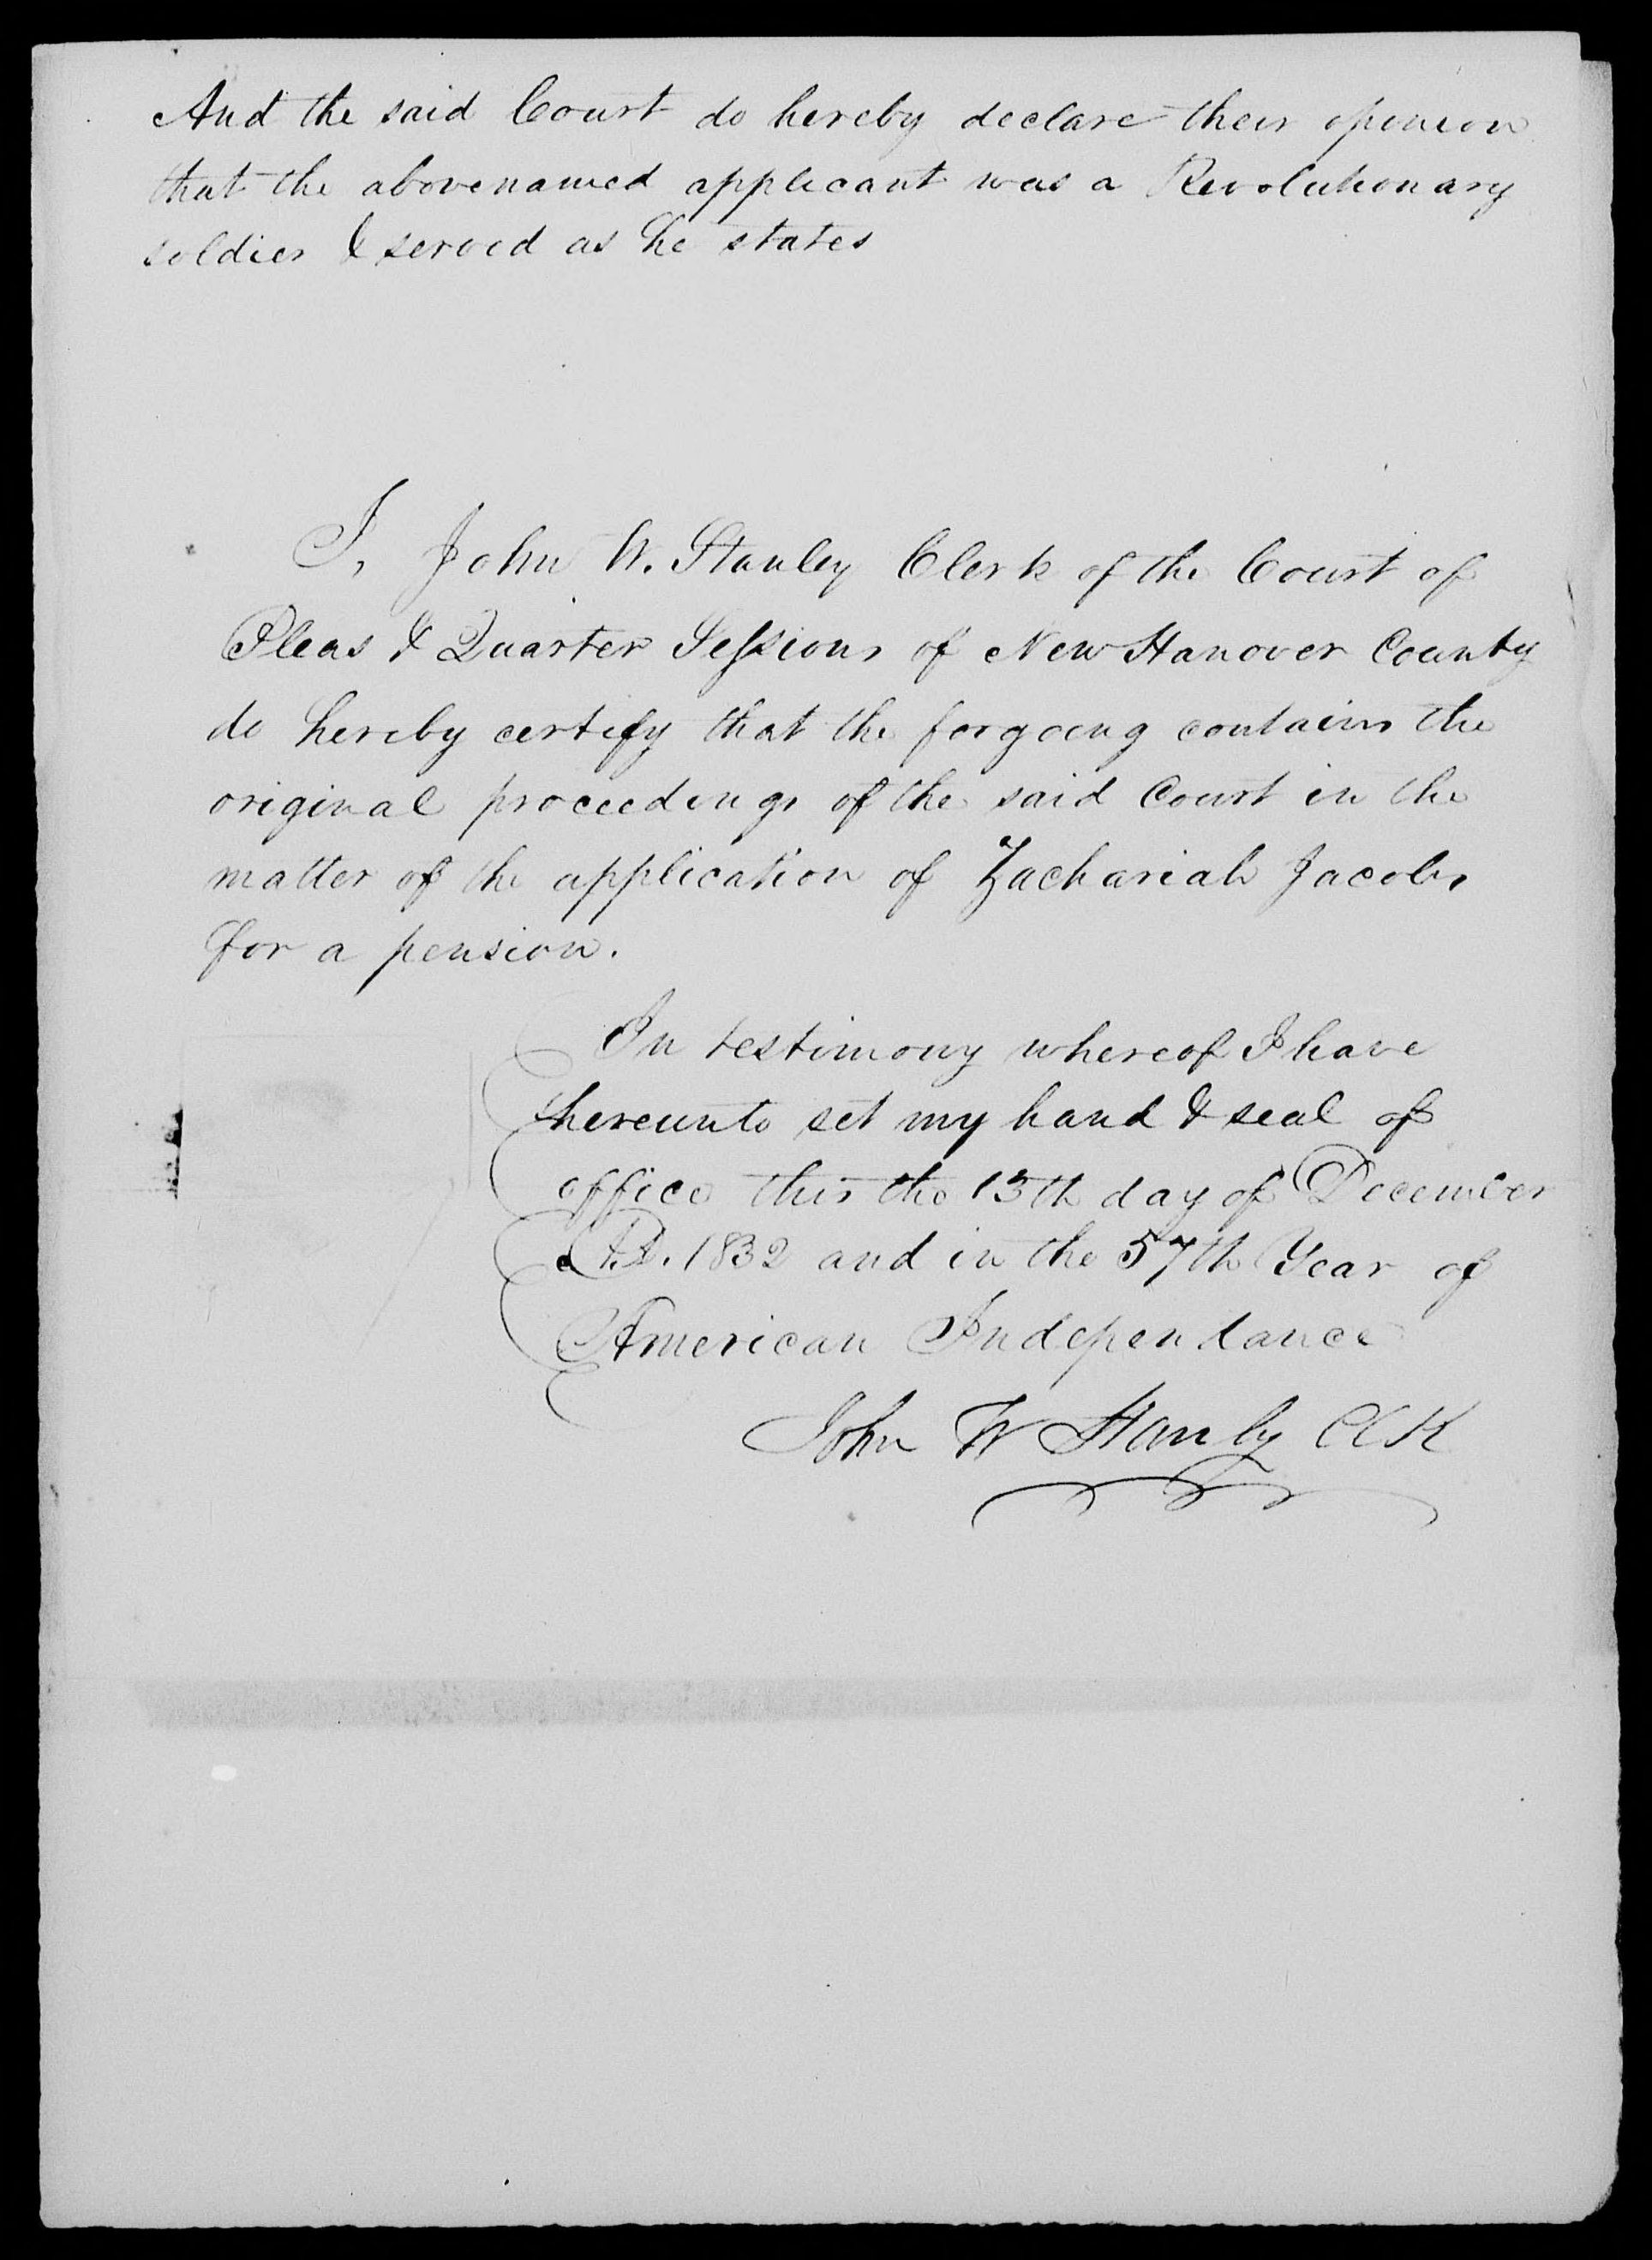And the said Court do hereby declare their opinion that the above named applicant was a Revolutionary soldier & served as he states.

I, John W. Stanley Clerk of the Court of Pleas & Quarter Sessions of New Haven County do hereby certify that the foregoing contains the original proceedings of the said Court in the matter of the application of Zachariah Jacobs for a pension.

                        In testimony whereof I have 
                        hereunto set my hand & seal of 
                        office this 13th day of 
                         December A.D. 1832  and in 
                         the 57th year of American 
                         Independance
                [Signature] John W. Stanley Clk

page: 12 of 40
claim: widow's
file: W. 5304, for Zachariah Jacobs, North Carolina